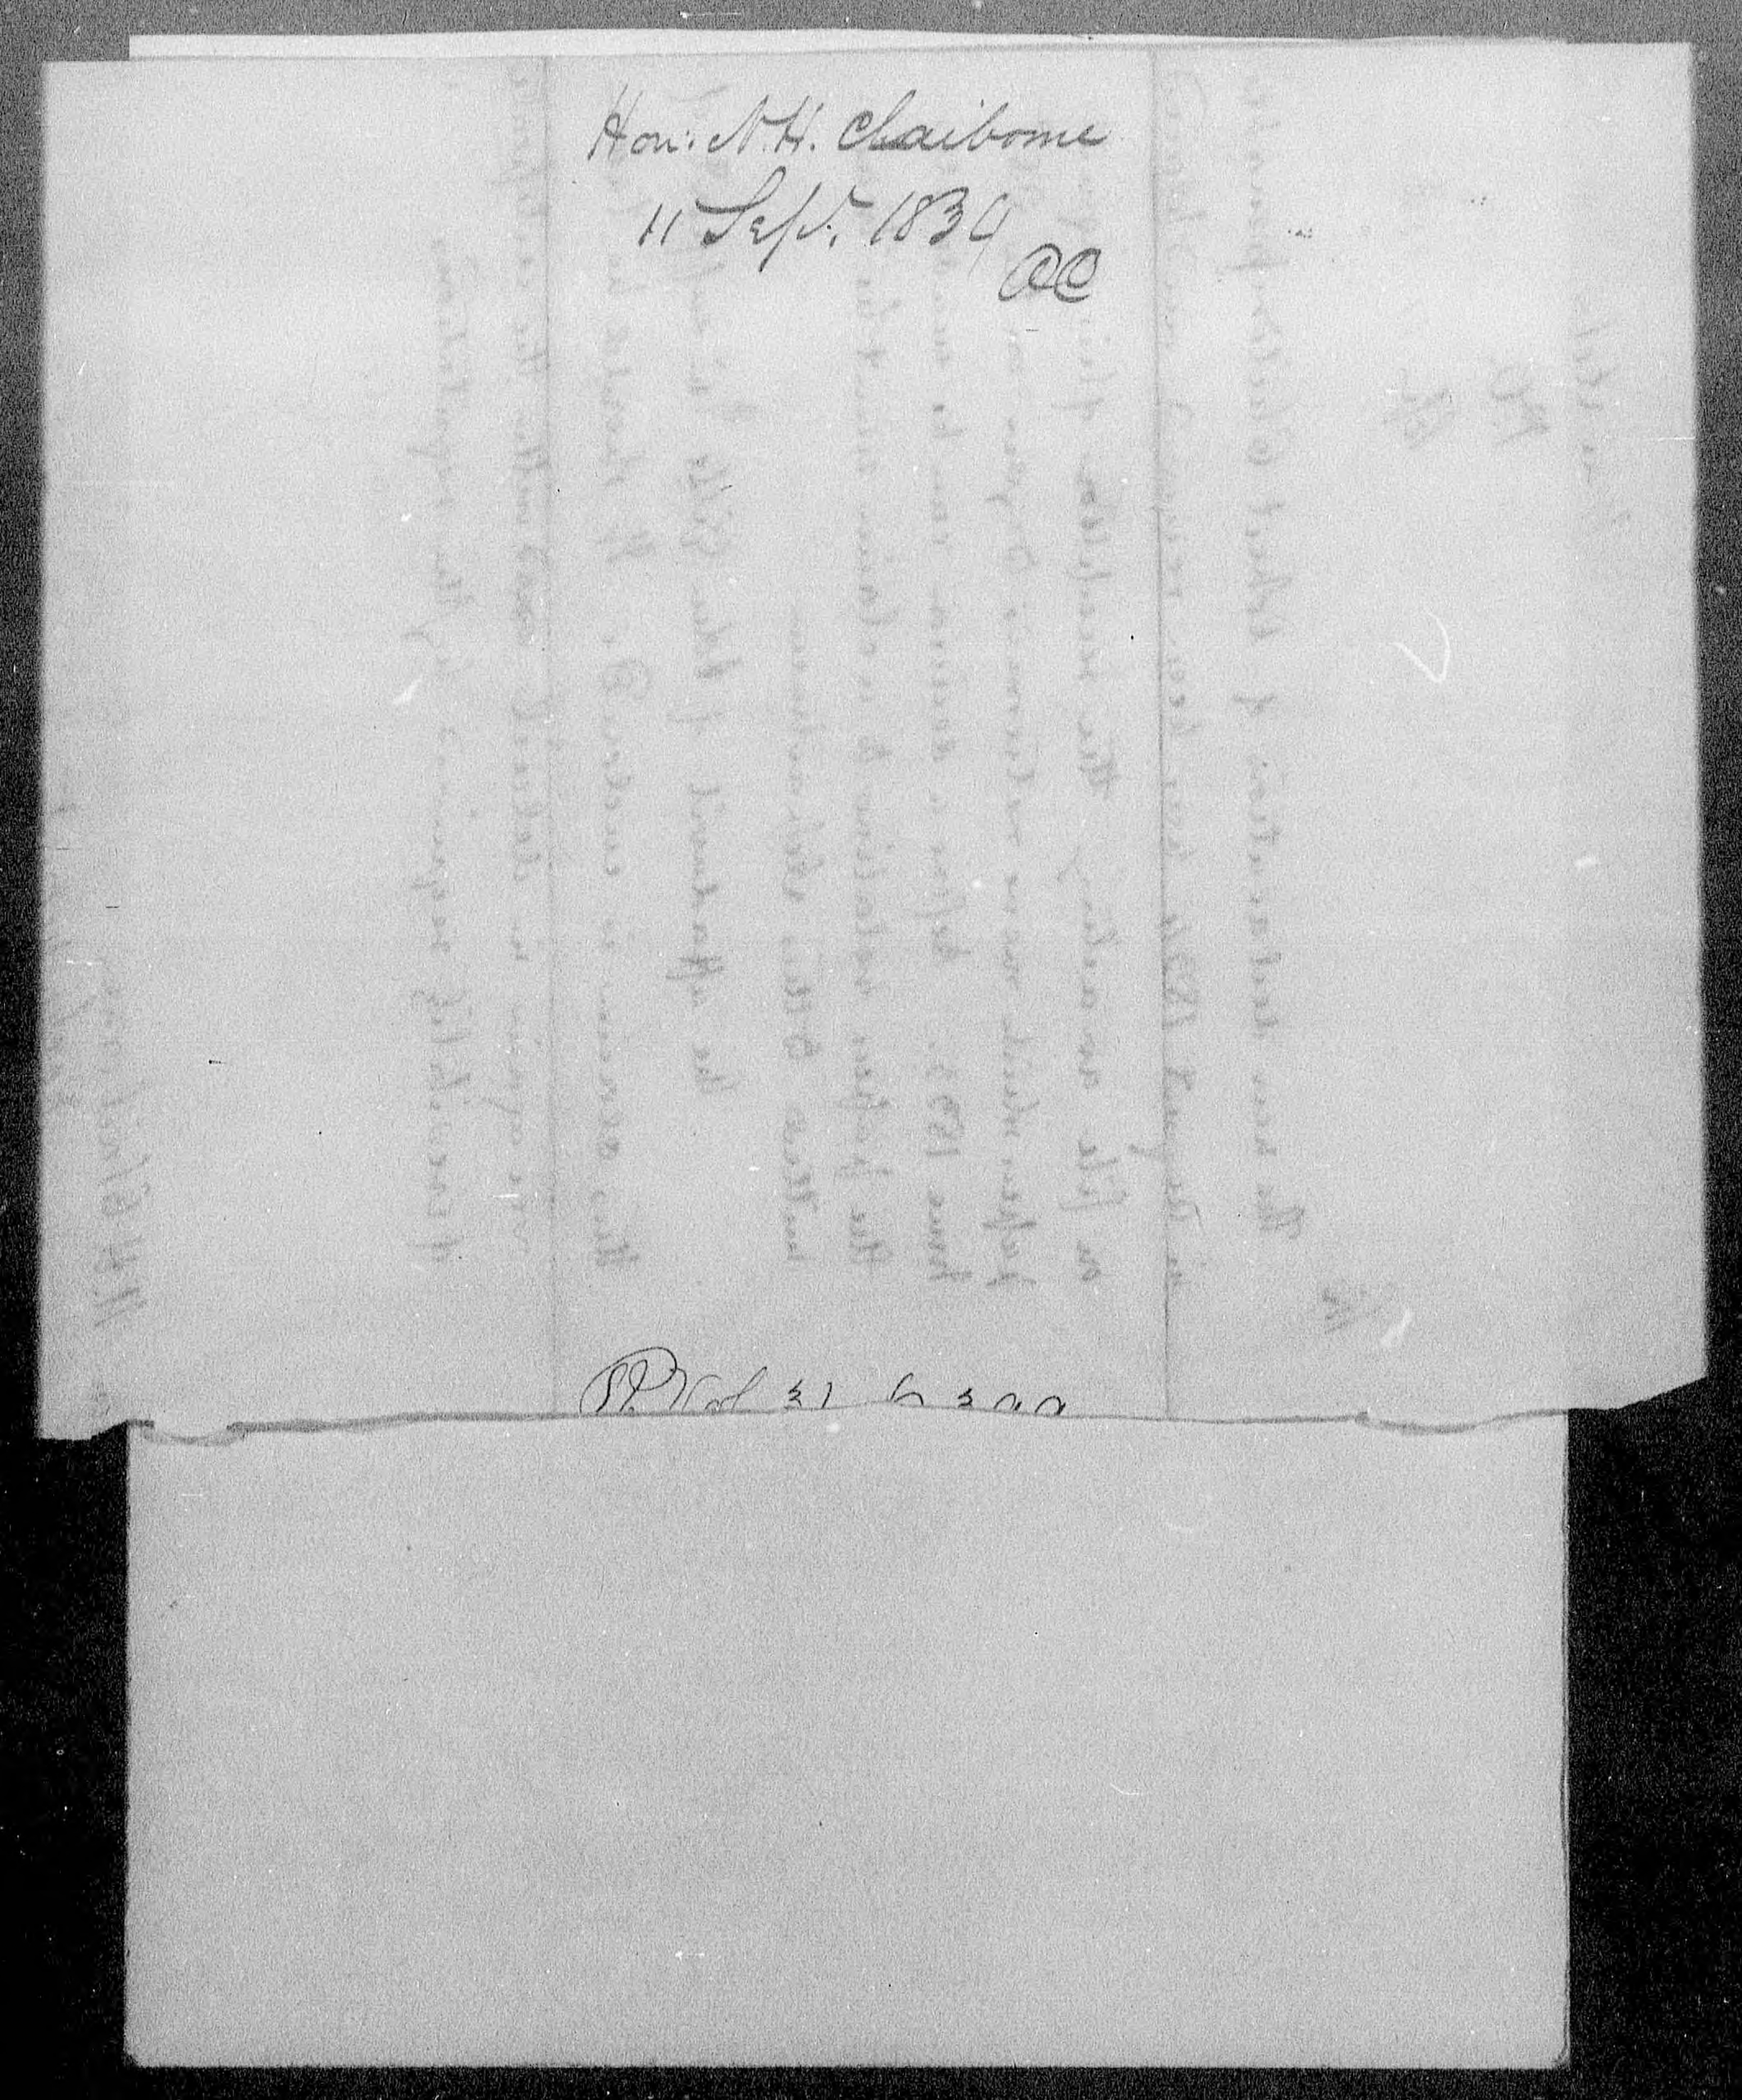Hon. N. H. Claiborne
11 Sept 1839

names: N H Claiborne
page: 10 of 25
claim: rejected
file: R. 1929, Robert Childress, Va